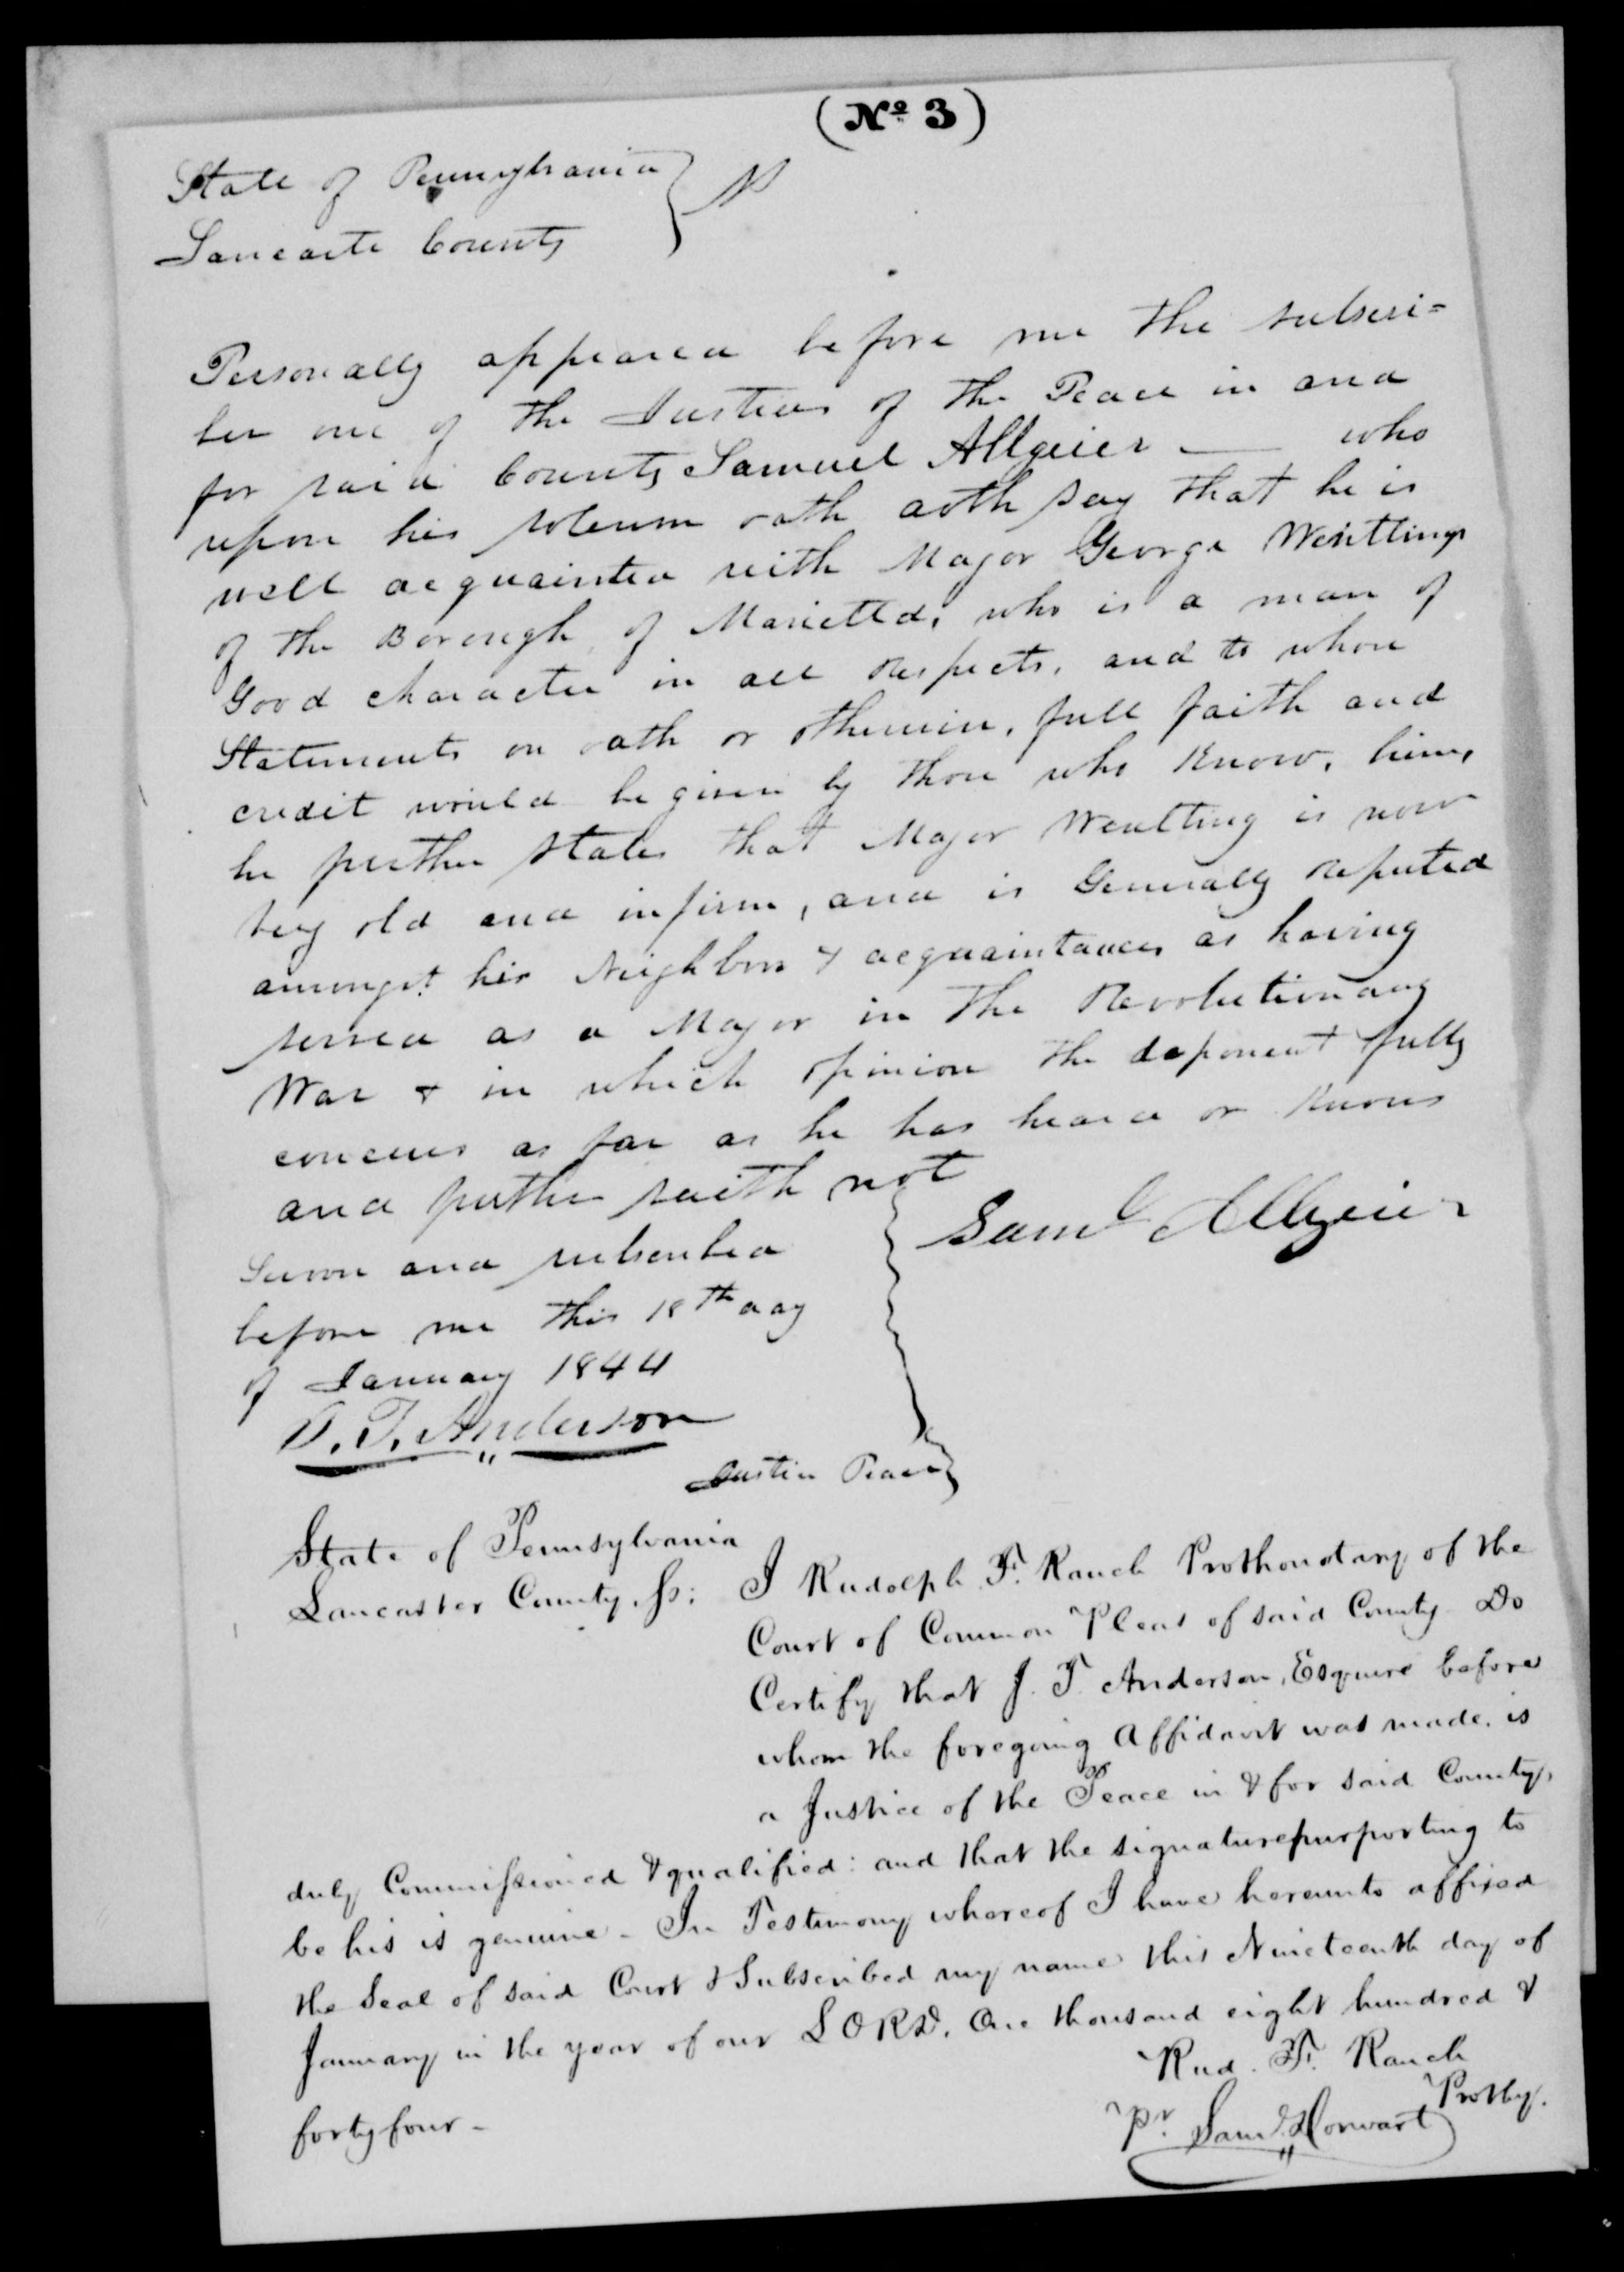(No 3)
State of Pennsylvania Lancaster County ss
Personally appeared before me the Subscriber
 one of the Justices of the Peace in and
for said County, Samuel Allgeier who
upon his solemn oath oath say that he is
well acquainted with Major George Wentling of
the Borough of Marietta, who is a man of
good character in all respects, and to whose
Statements on oath or otherwise, full faith and
credit would be given by those who know him.
He further states that Major Wentling is now
by old and infirm, and is generally reputed
amongst his Neighbor & acquaintances as having
served as a Major in the Revolutionary War
& in which opinion the deponent fully
concurs as far as he has heard or knows
and further saith not. Saml Allgeier

Sworn and subscribed before me this 18th day
of January 1844
J T Anderson
Justice Peace

State of Pennsylvania Lancaster County ss. I Rudolph F Rauchl Prothonotary of the Court of Common Pleas of said County Do
certify that J. T. Anderson, Esquire before whom the foregoing affidavit was made is Justice of the Peace in & for said County,
duly commissioned & qualified; and that the signature purporting to be his is genuine. In Testimony whereof I have hereunto affixed the seal of said Court & Subscribed my name this Nineteenth day of January in the year of our Lord One thousand eight hundred & forty four -
R. T. Rauch Prothy
Pr Sam’l Dorwart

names: Samuel Allgeier, J T Anderson, George Wentling, Rudolph F Rauch, Saml Dorwart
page: 55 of 68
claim: survivor's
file: S. 6,358, George Wentling, Penn.